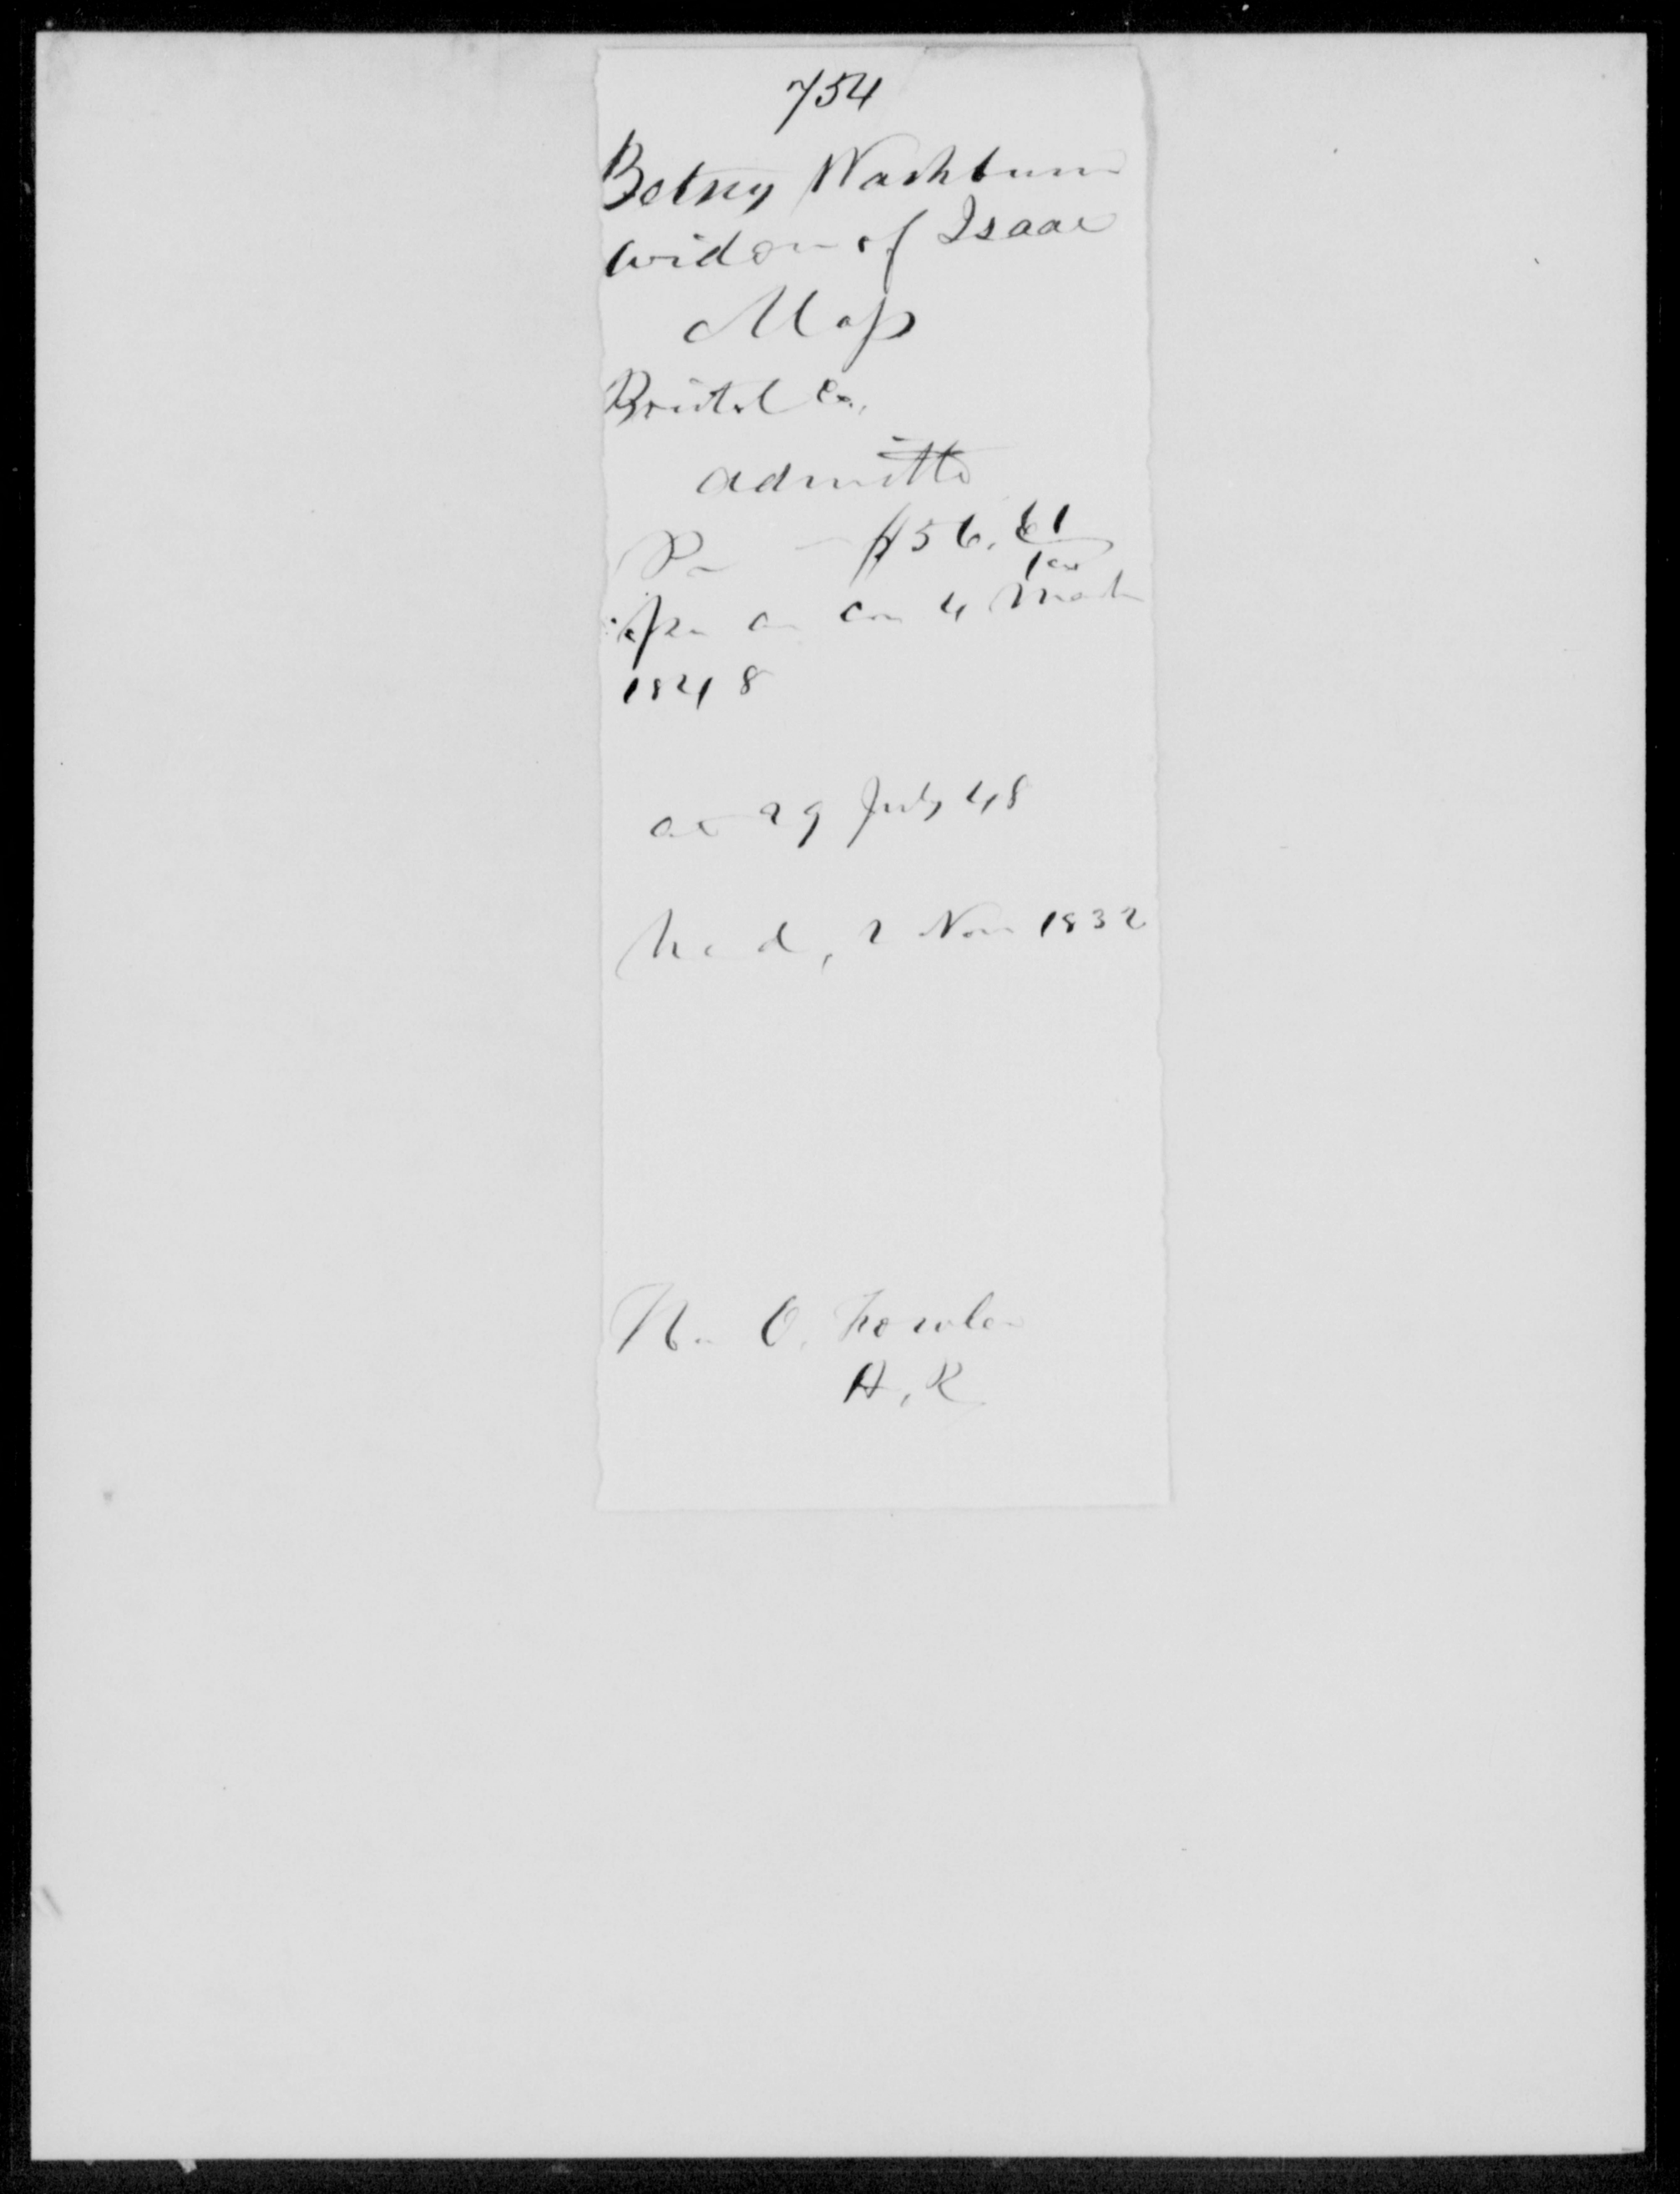754
Betsey Washburn
widow of Isaac 
Mass
Bristol Co
admitted
P. $56.61
___ a com 4 March 1848

Act 29 July 48
____, 2 Nov 1832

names: Betsey Washburn, O Fowler, Isaac Washburn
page: 28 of 34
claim: widow's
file: W. 1677, Isaac Washburn, Mass.